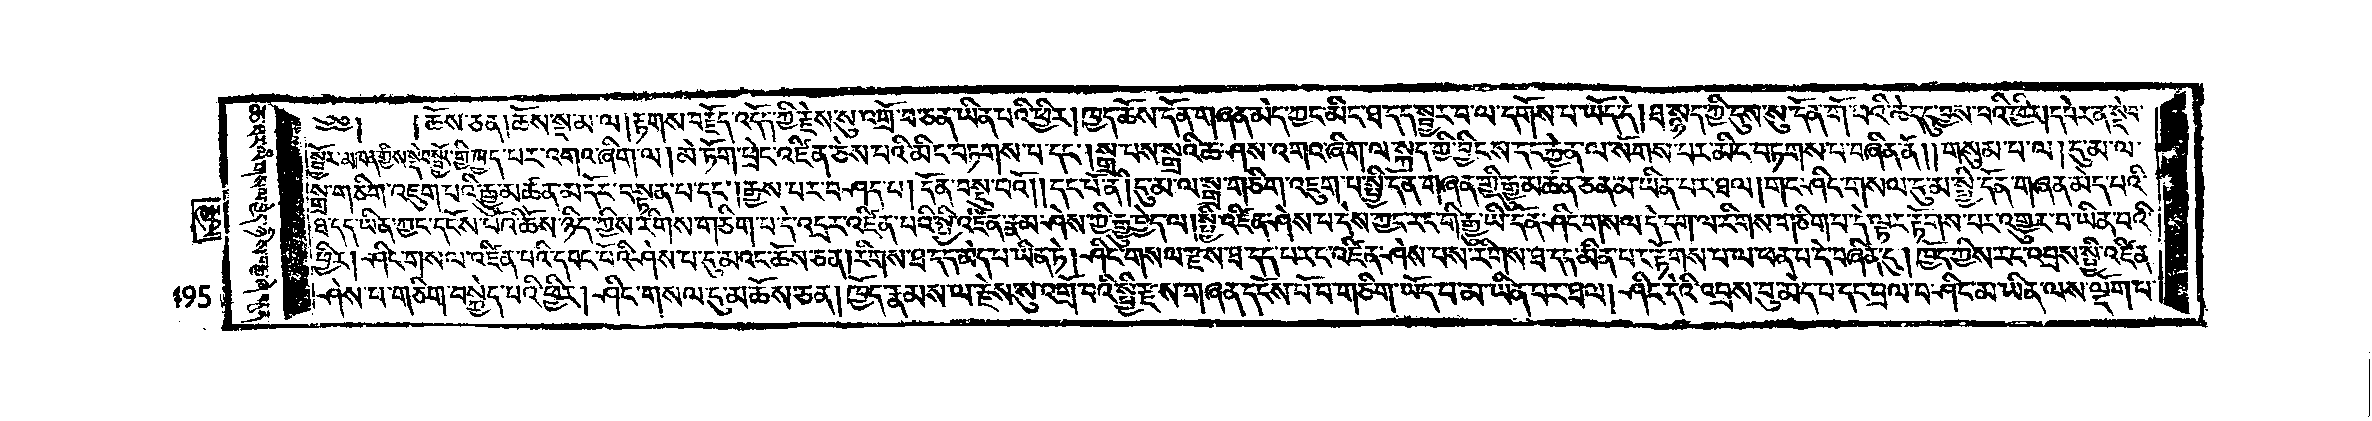༄༅། །ཆོས་ཅན། ཆོས་སྔ་མ་ལ། རྟགས་བརྗོད་འདོད་ཀྱི་རྗེས་སུ་འགྲོ་བ་ཅན་ཡིན་པའི་ཕྱིར། ཁྱད་ཆོས་དོན་གཞན་མེད་ཀྱང་མིང་ཐ་དད་སྦྱར་བ་ལ་དགོས་པ་ཡོད་དེ། ཐ་སྙད་ཀྱི་དུས་སུ་དོན་གོ་བའི་ཆེད་དུ་བྱས་པའི་ཕྱིར། དཔེར་ན་སྡེབ་
སྦྱོར་མཁན་གྱིས་སྡེབ་སྦྱོར་གྱི་ཁྱད་པར་འགའ་ཞིག་ལ། མེ་ཏོག་ཕྲེང་འཛིན་ཅེས་པའི་མིང་བཏགས་པ་དང་། སྒྲ་པས་སྒྲའི་ཆ་ཤས་འགའ་ཞིག་ལ་སྐད་ཀྱི་བྱིངས་དང་རྐྱེན་ལ་སོགས་པར་མིང་བཏགས་པ་བཞིན་ནོ། །གསུམ་པ་ལ། དུ་མ་ལ་
སྒྲ་གཅིག་འཇུག་པའི་རྒྱུ་མཚན་མདོར་བསྟན་པ་དང་། རྒྱས་པར་བཤད་པ། དོན་བསྡུ་བའོ། །དང་པོ་ནི། དུ་མ་ལ་སྒྲ་གཅིག་འཇུག་པ་སྤྱི་དོན་གཞན་གྱི་རྒྱུ་མཚན་ཅན་མ་ཡིན་པར་ཐལ། གང་ཤིང་གསལ་དུ་མ་སྤྱི་དོན་གཞན་མེད་པའི་
ཐ་དད་ཡིན་ཀྱང་དངོས་པོའི་ཆོས་ཉིད་ཀྱིས་རིགས་གཅིག་པ་དེ་འདྲར་འཛིན་པའི་སྤྱི་འཛིན་རྣམ་ཤེས་ཀྱི་རྒྱུ་བྱེད་ལ། སྤྱི་འཛིན་ཤེས་པ་དེས་ཀྱང་རང་གི་རྒྱུ་ཡི་དོན་ཤིང་གསལ་དེ་དག་ལ་རིགས་གཅིག་པ་དེ་ལྟར་རྟོགས་པར་འགྱུར་བ་ཡིན་པའི་
ཕྱིར། ཤིང་གསལ་འཛིན་པའི་དབང་པོའི་ཤེས་པ་དུ་མའང་ཆོས་ཅན། རིགས་ཐ་དད་མེད་པ་ཡིན་ཏེ། ཤིང་གསལ་རྫས་ཐ་དད་པ་རང་འཛིན་ཤེས་པས་རིགས་ཐ་དད་མིན་པར་རྟོགས་པ་ལ་ཕན་པ་དེ་བཞིན་དུ། ཁྱོད་ཀྱིས་རང་འབྲས་སྤྱི་འཛིན་
ཤེས་པ་གཅིག་བསྐྱེད་པའི་ཕྱིར། ཤིང་གསལ་དུ་མ་ཆོས་ཅན། ཁྱོད་རྣམས་ལ་རྗེས་སུ་འགྲོ་བའི་སྤྱི་རྫས་གཞན་དངོས་པོ་བ་གཅིག་ཡོད་པ་མ་ཡིན་པར་ཐལ། ཤིང་དེའི་འབྲས་བུ་མེད་པ་དང་བྲལ་བ་ཤིང་མ་ཡིན་ལས་ལྡོག་པ་